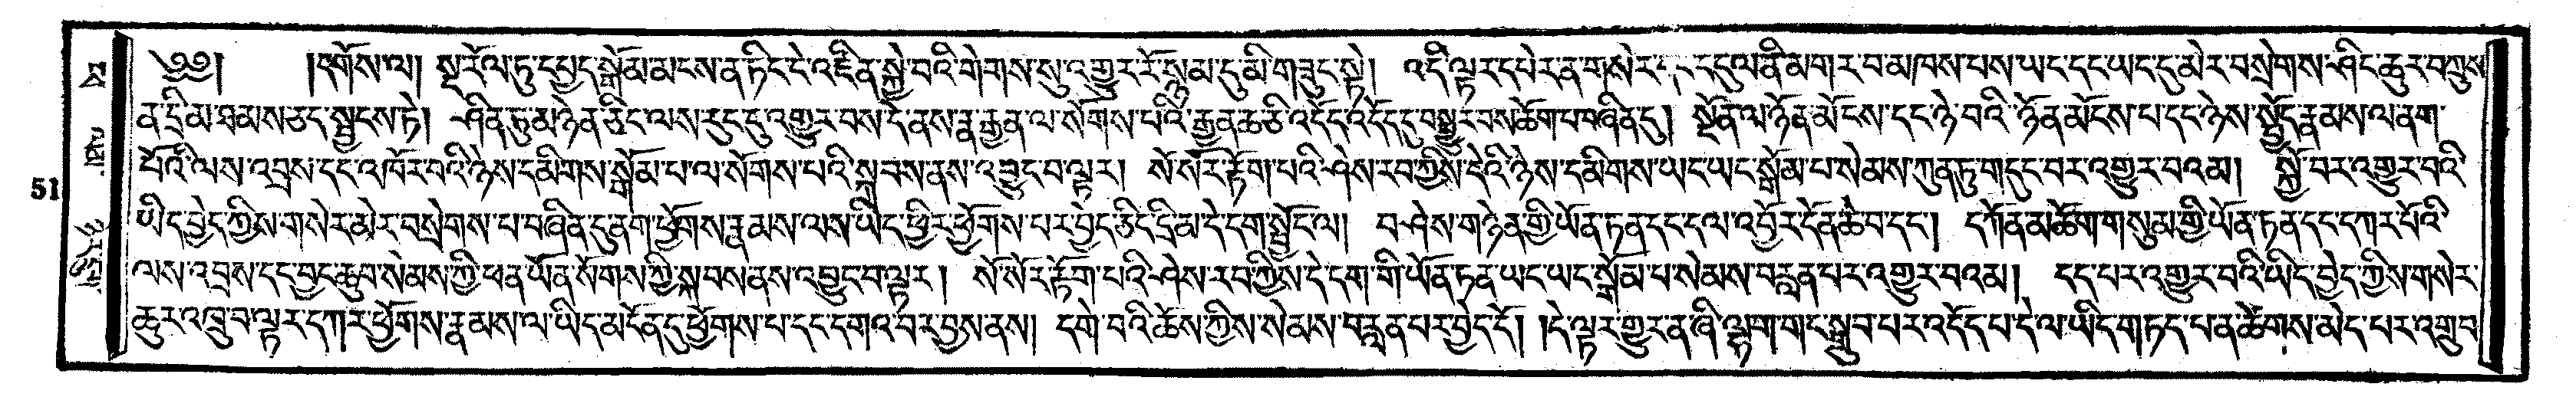༄༅། །དགོས་ལ། སྔ་རོལ་ཏུ་དཔྱད་སྒོམ་མངས་ན་ཏིང་ངེ་འཛིན་སྐྱེ་བའི་གེགས་སུ་འགྱུར་རོ་སྙམ་དུ་མི་གཟུང་སྟེ། འདི་ལྟར་དཔེར་ན་གསེར་དང་དངུལ་ནི་མགར་བ་མཁས་པས་ཡང་དང་ཡང་དུ་མེར་བསྲེགས་ཤིང་ཆུར་བཀྲུས་
ན་དྲི་མ་ཐམས་ཅད་སྦྱངས་ཏེ། ཤིན་ཏུ་མཉེན་ཅིང་ལས་རུང་དུ་འགྱུར་བས་དེ་ནས་རྣ་རྒྱན་ལ་སོགས་པའི་རྒྱན་ཆ་ཅི་འདོད་འདོད་དུ་བསྒྱུར་བས་ཆོག་པ་བཞིན་དུ། སྔོན་ལ་ཉོན་མོངས་དང་ཉེ་བའི་ཉོན་མོངས་པ་དང་ཉེས་སྤྱོད་རྣམས་ལ་ནག་
པོའི་ལས་འབྲས་དང་འཁོར་བའི་ཉེས་དམིགས་སྒོམ་པ་ལ་སོགས་པའི་སྐབས་ནས་འབྱུང་བ་ལྟར། སོ་སོར་རྟོག་པའི་ཤེས་རབ་ཀྱིས་དེའི་ཉེས་དམིགས་ཡང་ཡང་སྒོམ་པ་སེམས་ཀུན་ཏུ་གདུང་བར་འགྱུར་བའམ། སྐྱོ་བར་འགྱུར་བའི་
ཡིད་བྱེད་ཀྱིས་གསེར་མེར་བསྲེགས་པ་བཞིན་དུ་ནག་ཕྱོགས་རྣམས་ལས་ཡིད་ཕྱིར་ཕྱོགས་པར་བྱེད་ཅིང་དྲི་མ་དེ་དག་སྦྱོང་ལ། བཤེས་གཉེན་གྱི་ཡོན་ཏན་དང་དལ་འབྱོར་དོན་ཆེ་བ་དང་། དཀོན་མཆོག་གསུམ་གྱི་ཡོན་ཏན་དང་དཀར་པོའི་
ལས་འབྲས་དང་བྱང་ཆུབ་སེམས་ཀྱི་ཕན་ཡོན་སོགས་ཀྱི་སྐབས་ནས་འབྱུང་བ་ལྟར། སོ་སོར་རྟོག་པའི་ཤེས་རབ་ཀྱིས་དེ་དག་གི་ཡོན་ཏན་ཡང་ཡང་སྒོམ་པ་སེམས་བརླན་པར་འགྱུར་བའམ། དད་པར་འགྱུར་བའི་ཡིད་བྱེད་ཀྱིས་གསེར་
ཆུར་འཁྲུ་བ་ལྟར་དཀར་ཕྱོགས་རྣམས་ལ་ཡིད་མངོན་དུ་ཕྱོགས་པ་དང་དགའ་བར་བྱས་ནས། དགེ་བའི་ཆོས་ཀྱིས་སེམས་བརླན་པར་བྱེད་དོ། །དེ་ལྟར་གྱུར་ན་ཞི་ལྷག་གང་སྒྲུབ་པར་འདོད་པ་དེ་ལ་ཡིད་གཏད་པ་ན་ཚེགས་མེད་པར་འགྲུབ་